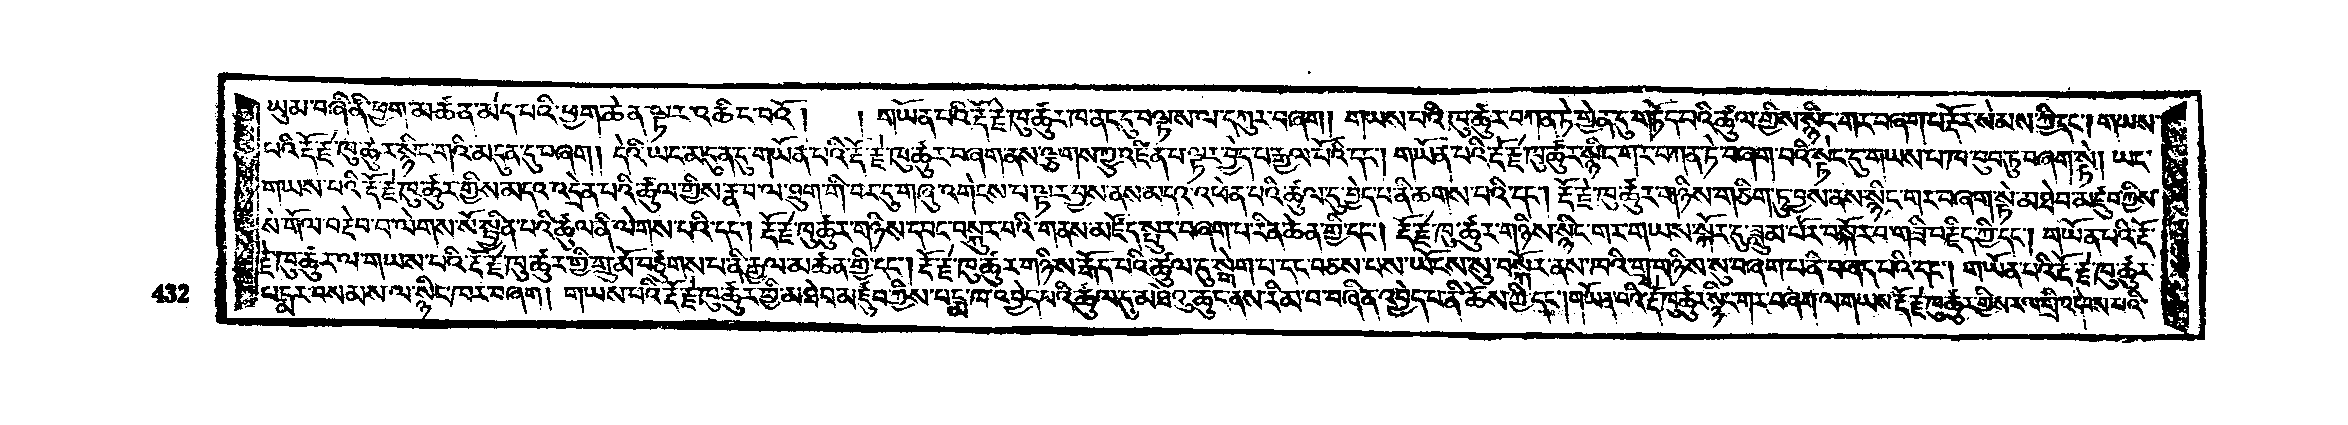ཡུམ་བཞི་ནི་ཕྱག་མཚན་མེད་པའི་ཕྱག་ཆེན་ལྟར་འཆིང་བའོ། །གཡོན་པའི་རྡོ་རྗེ་ཁུ་ཚུར་ཁ་ནང་དུ་བལྟས་ལ་དཀུར་བཞག །གཡས་པའི་ཁུ་ཚུར་བཀན་ཏེ་གྱེན་དུ་གཏོད་པའི་ཚུལ་གྱིས་སྙིང་གར་བཞག་པ་རྡོར་སེམས་ཀྱི་དང་། གཡས་
པའི་རྡོ་རྗེ་ཁུ་ཚུར་སྙིང་གའི་མདུན་དུ་བཞག །དེའི་ཡང་མདུན་དུ་གཡོན་པའི་རྡོ་རྗེ་ཁུ་ཚུར་བཞག་ནས་ལྕགས་ཀྱུ་འཛིན་པ་ལྟར་བྱེད་པ་རྒྱལ་པོའི་དང་། གཡོན་པའི་རྡོ་རྗེ་ཁུ་ཚུར་སྙིང་གར་བཀན་ཏེ་བཞག་པའི་སྟེང་དུ་གཡས་པ་ཁ་བུབ་ཏུ་བཞག་སྟེ། ཡང་
གཡས་པའི་རྡོ་རྗེ་ཁུ་ཚུར་གྱིས་མདའ་འདྲེན་པའི་ཚུལ་གྱིས་རྣ་བ་ལ་ཐུག་གི་བར་དུ་གཞུ་འགེངས་པ་ལྟར་བྱས་ནས་མདའ་འཕེན་པའི་ཚུལ་དུ་བྱེད་པ་ནི་ཆགས་པའི་དང་། རྡོ་རྗེ་ཁུ་ཚུར་གཉིས་གཅིག་ཏུ་བྱས་ནས་སྙིང་གར་བཞག་སྟེ་མཐེབ་མཛུབ་ཀྱིས་
སེ་གོལ་བརྡེབ་པ་ལེགས་སོ་སྦྱིན་པའི་ཚུལ་ནི་ལེགས་པའི་དང་། རྡོ་རྗེ་ཁུ་ཚུར་གཉིས་དབང་བསྐུར་བའི་གནས་མཛོད་སྤུར་བཞག་པ་རིན་ཆེན་གྱི་དང་། རྡོ་རྗེ་ཁུ་ཚུར་གཉིས་སྙིང་གར་གཡས་སྐོར་དུ་ཟླུམ་པོར་བསྐོར་བ་གཟི་བརྗིད་ཀྱི་དང་། གཡོན་པའི་རྡོ་
རྗེ་ཁུ་ཚུར་ལ་གཡས་པའི་རྡོ་རྗེ་ཁུ་ཚུར་གྱི་གྲུ་མོ་བཙུགས་པ་ནི་རྒྱལ་མཚན་གྱི་དང་། རྡོ་རྗེ་ཁུ་ཚུར་གཉིས་རྒོད་པའི་ཚུལ་དུ་སྒེག་པ་དང་བཅས་པས་ཡོངས་སུ་བསྐོར་ནས་ཁའི་གྲྭ་གཉིས་སུ་བཞག་པ་ནི་བཞད་པའི་དང་། གཡོན་པའི་རྡོ་རྗེ་ཁུ་ཚུར་
པདམར་བསམས་ལ་སྙིང་ཁར་བཞག །གཡས་པའི་རྡོ་རྗེ་ཁུ་ཚུར་གྱི་མཐེབ་མཛུབ་ཀྱིས་པདམ་ཁ་འབྱེད་པའི་ཚུལ་དུ་མཐེའུ་ཆུང་ནས་རིམ་པ་བཞིན་འབྱེད་པ་ནི་ཆོས་ཀྱི་དང་། གཡོན་པའི་རྡོ་ཁུ་ཚུར་སྙིང་གར་བཞག་ལ་གཡས་རྡོ་རྗེ་ཁུ་ཚུར་གྱིས་རལ་གྲི་འདེབས་པའི་